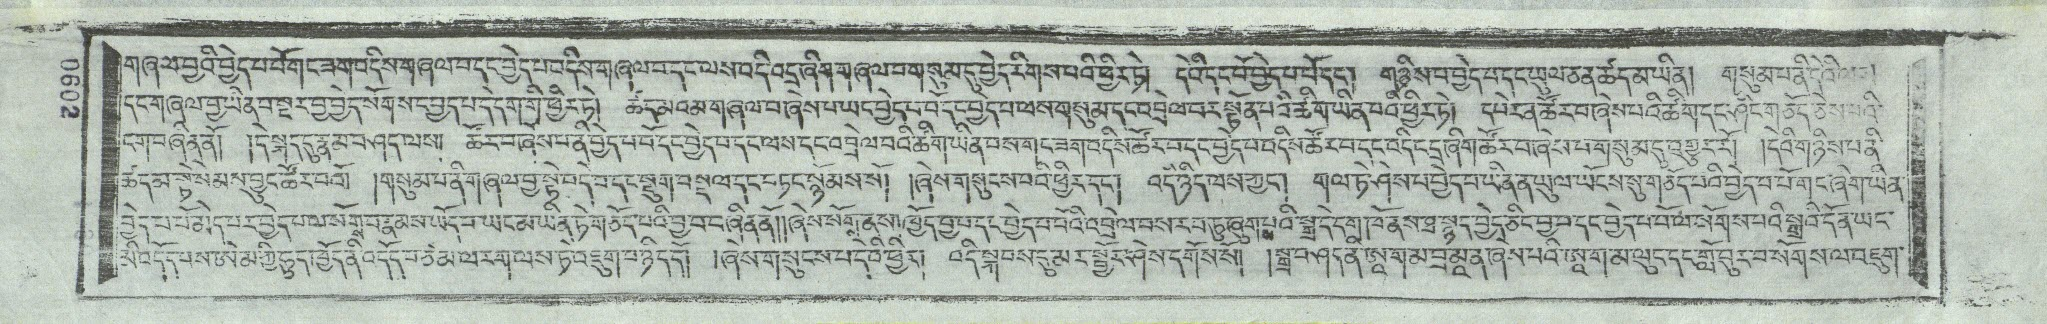གཞལ་བྱའི་བྱེད་པ་པོ་གང་ཟག་འདིས་གཞལ་པ་དང་བྱེད་པ་འདིས་གཞལ་བ་དང་ལས་འདི་འདྲ་ཞིག་གཞལ་བ་གསུམ་དུ་བྱེད་རིགས་པའི་ཕྱིར་ཏེ། དེའི་དང་པོ་བྱེད་པ་པོ་དང་། གཉིས་པ་བྱེད་པ་དང་ཡུལ་ཅན་ཚད་མ་ཡིན། གསུམ་པ་ནི་དེའི་ལས།
དང་གཞལ་བྱ་ཡིན་པ་སྔར་བྱ་བྱེད་སོགས་དཔྱད་པ་དེ་དག་གི་ཕྱིར་ཏེ། ཚད་མའམ་གཞལ་བ་ཞེས་པ་ཡང་བྱེད་པ་བོ་དང་བྱེད་པ་ལས་གསུམ་དང་འབྲེལ་བར་སྟོན་པའི་ཚིག་ཡིན་པའི་ཕྱིར་ཏེ། དཔེར་ན་ཚོར་བ་ཞེས་པའི་ཚིག་དང་ཤིང་གཅོད་ཅེས་པའི་
ངག་བཞིན་ནོ། །དེ་སྐད་དུ་རྣམ་བཤད་ལས། ཚོར་བ་ཞེས་པ་ནི་བྱེད་པ་པོ་དང་བྱེད་པ་དང་ལས་དང་འབྲེལ་བའི་ཚིག་ཡིན་པས་གང་ཟག་འདིས་ཚོར་བ་དང་བྱེད་པ་འདིས་ཚོར་བ་དང་འདི་འདྲ་ཞིག་ཚོར་བ་ཞེས་པ་གསུམ་དུ་འགྱུར་རོ། །དེའི་གཉིས་པ་ནི་
ཚད་མ་སྟེ་སེམས་བྱུང་ཚོར་བའོ། །གསུམ་པ་ནི་གཞལ་བྱ་སྟེ་བདེ་བ་དང་སྡུག་བསྔལ་དང་བཏང་སྙོམས་སོ། །ཞེས་གསུངས་པའི་ཕྱིར་དང་། འདི་ཉིད་ལས་ཀྱང་། གལ་ཏེ་ཤེས་པ་བྱེད་པ་ཡིན་ན་ཡུལ་ཡོངས་སུ་གཅོད་པའི་བྱེད་པ་པོ་གང་ཞིག་ཡིན་
བྱེད་པ་པོ་མེད་པར་བྱེད་པ་ལ་སོགས་པ་རྣམས་ཡོད་པ་ཡང་མ་ཡིན་ཏེ་གཅོད་པའི་བྱ་བ་བཞིན་ནོ། །ཞེས་སོགས་ནས། ཁྱོད་བྱ་བ་དང་བྱེད་པ་པོའི་འབྲེལ་བས་རབ་ཏུ་ཞུགས་པའི་སྒྲ་དེ་དག་ཁོ་ནས་ཐ་སྙད་བྱེད་ཅིང་བྱ་བ་དང་བྱེད་པ་པོ་ལ་སོགས་པའི་སྒྲའི་དོན་ཡང་
མི་འདོད་པས་ཨེ་མ་ཀྱི་ཧུད་ཁྱོད་ནི་འདོད་པ་ཙམ་ལ་རག་ལས་ཏེ་འཇུག་པ་ཉིད་དོ། །ཞེས་གསུངས་པ་དེའི་ཕྱིར། འདི་སྐབས་དུ་མར་སྦྱོར་ཤེས་དགོས་སོ། །སྒྲ་བཤད་ནི་ཨཱ་ག་མ་བྲ་མཱ་ན་ཞེས་པའི་ཨཱ་ག་མ་ལུང་དང་གློ་བུར་བ་སོགས་ལ་འཇུག་